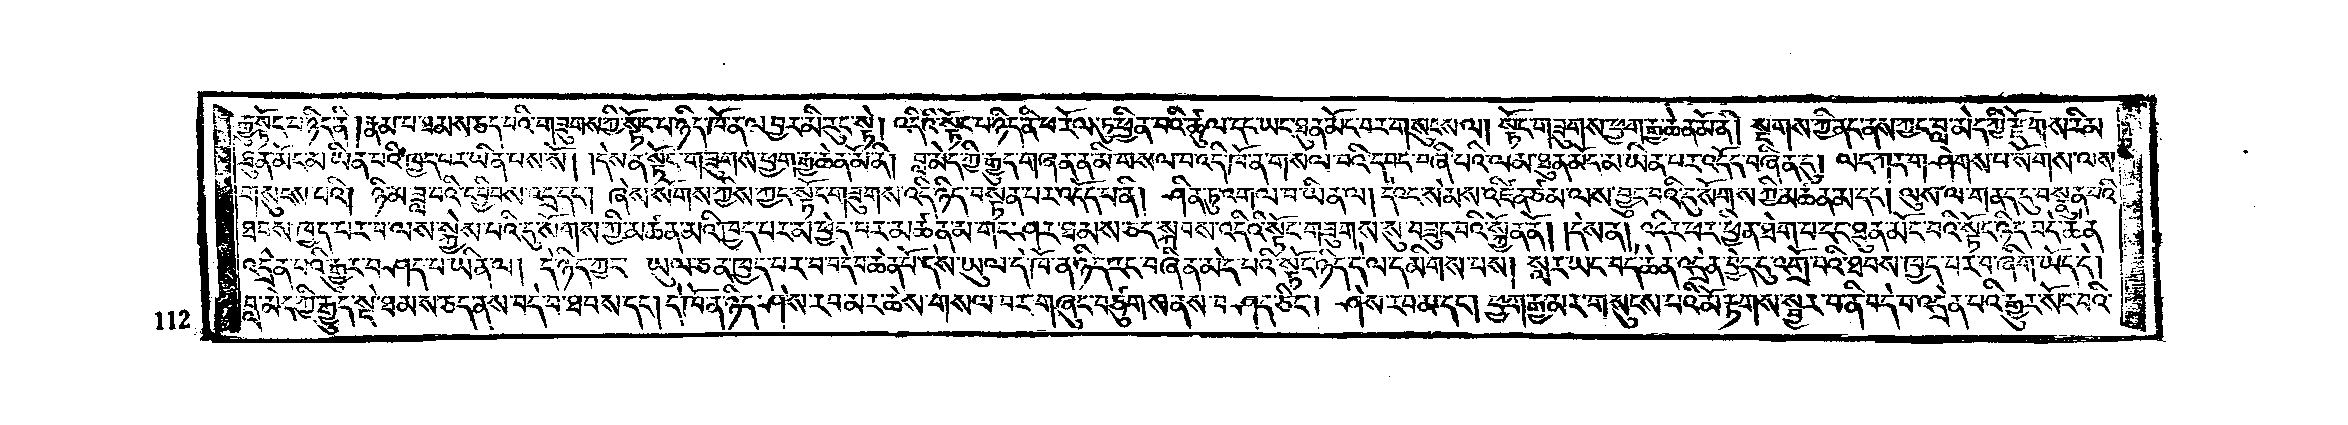རྒྱུ་སྟོང་པ་ཉིད་ནི། རྣམ་པ་ཐམས་ཅད་པའི་གཟུགས་ཀྱི་སྟོང་པ་ཉིད་ཁོ་ན་ལ་བྱར་མི་རུང་སྟེ། འདིའི་སྟོང་པ་ཉིད་ནི་ཕ་རོལ་ཏུ་ཕྱིན་པའི་ཚུལ་དང་ཡང་ཐུན་མོང་བར་གསུངས་ལ། སྟོང་གཟུགས་ཕྱག་རྒྱ་ཆེན་མོ་ནི། སྔགས་ཀྱི་ནང་ནས་ཀྱང་བླ་མེད་ཀྱི་རྫོགས་རིམ་
ཐུན་མོང་མ་ཡིན་པའི་ཁྱད་པར་ཡིན་པས་སོ། །དེས་ན་སྟོང་གཟུགས་ཕྱག་རྒྱ་ཆེན་མོ་ནི། བླ་མེད་ཀྱི་རྒྱུད་གཞན་ན་མི་གསལ་བ་འདི་ཁོ་ན་གསལ་བའི་དབང་བཞི་པའི་ལམ་ཐུན་མོང་མ་ཡིན་པར་འདོད་བཞིན་དུ། ལང་ཀར་གཤེགས་པ་སོགས་ལས་
གསུངས་པའི། ཉི་མ་ཟླ་བའི་དབྱིབས་འདྲ་དང་། ཞེས་སོགས་ཀྱིས་ཀྱང་སྟོང་གཟུགས་འདི་ཉིད་བསྟན་པར་འདོད་པ་ནི། ཤིན་ཏུ་འགལ་བ་ཡིན་ལ། དེའང་སེམས་འཛིན་ཙམ་ལས་བྱུང་བའི་དུ་སོགས་ཀྱི་མཚན་མ་དང་། ལུས་ལ་གནད་དུ་བསྣུན་པའི་
ཐབས་ཁྱད་པར་བ་ལས་སྐྱེས་པའི་དུ་སོགས་ཀྱི་མཚན་མའི་ཁྱད་པར་མ་ཕྱེད་པར་མཚན་མ་གང་ཤར་ཐམས་ཅད་སྐབས་འདིའི་སྟོང་གཟུགས་སུ་བཟུང་བའི་སྐྱོན་ནོ། །དེས་ན། འདིར་ཕར་ཕྱིན་ཐེག་པ་དང་ཐུན་མོང་བའི་སྟོང་ཉིད་བདེ་ཆེན་
འདྲེན་པའི་རྒྱུར་བཤད་པ་ཡིན་ལ། དེ་ཉིད་ཀྱང་ཡུལ་ཅན་ཁྱད་པར་བ་བདེ་བ་ཆེན་པོ་དེས་ཡུལ་དེ་ཁོ་ན་ཉིད་རང་བཞིན་མེད་པའི་སྟོང་ཉིད་དེ་ལ་དམིགས་པས། སླར་ཡང་བདེ་ཆེན་འདྲེན་བྱེད་དུ་འགྲོ་བའི་ཐབས་ཁྱད་པར་བ་ཞིག་ཡོད་དེ།
བླ་མེད་ཀྱི་རྒྱུད་སྡེ་ཐམས་ཅད་ནས་བདེ་བ་ཐབས་དང་། དེ་ཁོ་ན་ཉིད་ཤེས་རབ་མར་ཆེས་གསལ་བར་གཞུང་བཙུགས་ནས་བཤད་ཅིང་། ཤེས་རབ་མ་དང་། ཕྱག་རྒྱ་མར་གསུངས་པའི་མོ་རྟགས་སྦྱར་བ་ནི་བདེ་བ་འདྲེན་པའི་རྒྱུར་སོང་བའི་